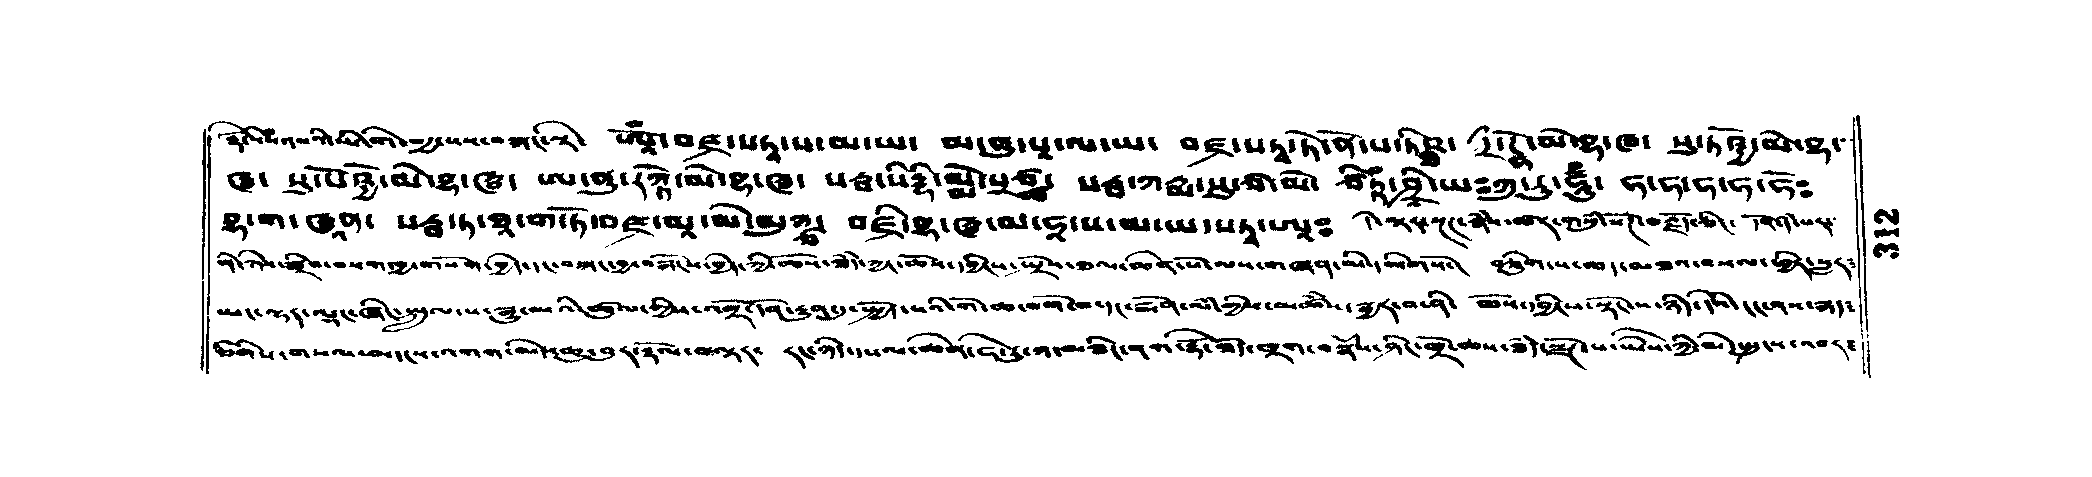རྡོ་རྗེ་སེམས་དཔའི་ཡེ་གེ་བརྒྱ་པས་བསྐང་སྟེ། ཨཱོཾ་བཛྲ་སཏྭ་ས་མ་ཡ། མ་ནུ་པཱ་ལ་ཡ། བཛྲ་སཏྭ་ཏེ་ནོ་པ་ཏིཥྚ་དྲྀ་ཌྷི་མེ་བྷ་ཝ། སུ་ཏོ་རྱོ་མེ་བྷ་
ཝ། སུ་པོ་རྱོ་མེ་བྷ་བ། ཨ་ནུ་རཀྟོ་མེ་བྷ་ཝ། སརྦ་སིདྡྷི་མྨེ་པྲཙྪ། སརྦ་ཀརྨ་སུ་ཙ་མེ། ཙིཏྟཾ་ཤྲཱི་ཡཿཀུ་རུ་ཧཱུྃ། ཧ་ཧ་ཧ་ཧ་ཧོཿ 
བྷ་ག་ཝཱན། སརྦ་ཏ་ཐཱ་ག་ཏོ་བཛྲ་མཱ་མེ་མུཉྩ། བཛྲི་བྷ་ཝ་མ་ཧཱ་ས་མ་ཡ་སཏྭ་ཨཱཿ དེ་ལྟར་སྔགས་རྣམས་ཚར་གསུམ་སོགས་བརྗོད་ཅིང་། དོན་དམ་པར་
ནི་ཉེས་སྒྲིབ་གསག་བྱ་གསོག་བྱེད་དང་བསྐང་བྱ་སྐོང་བྱེད་ཀྱི་ཆོས་ཐམས་ཅད་ཀྱང་ཆོས་དབྱིངས་སྤྲོས་བྲལ་ཆེན་པོ་ལས་གཞན་མི་དམིགས་སོ། བཅུ་གཅིག་པ་ཆད་མཐའ་བསལ་ཕྱིར་སླར་
ཡང་ལྷར་ལྡང་ཞིང་སྤྲུལ་པ་སྒྱུ་མའི་ཚུལ་གྱིས་འགྲོ་དོན་རྒྱུན་དུ་སྤྱོད་པའི་གོ་ཆ་བགོ་བ་དང་སྨོན་ལམ་གྱིས་མཚམས་སྦྱར་བ་ནི། ཆོས་དབྱིངས་སྟོང་པ་ཉིད་དེའི་ངང་ནས་སྐད་
ཅིག་གིས་གསལ་གདངས་འགག་མེད་ཆུ་བུར་རྡོལ་བ་ལྟར། རང་ཉིད་དཔལ་ཆེན་ཧེ་རུ་ཀ་མཐིང་ནག་རྡོ་རྗེ་ཐོད་ཕྲག་བསྣམས་ཤིང་ཁྲོ་ཆས་ཐམས་ཅད་རྫོགས་པ་ཡེ་ཤེས་ཀྱི་མེ་སྤུངས་འབར་